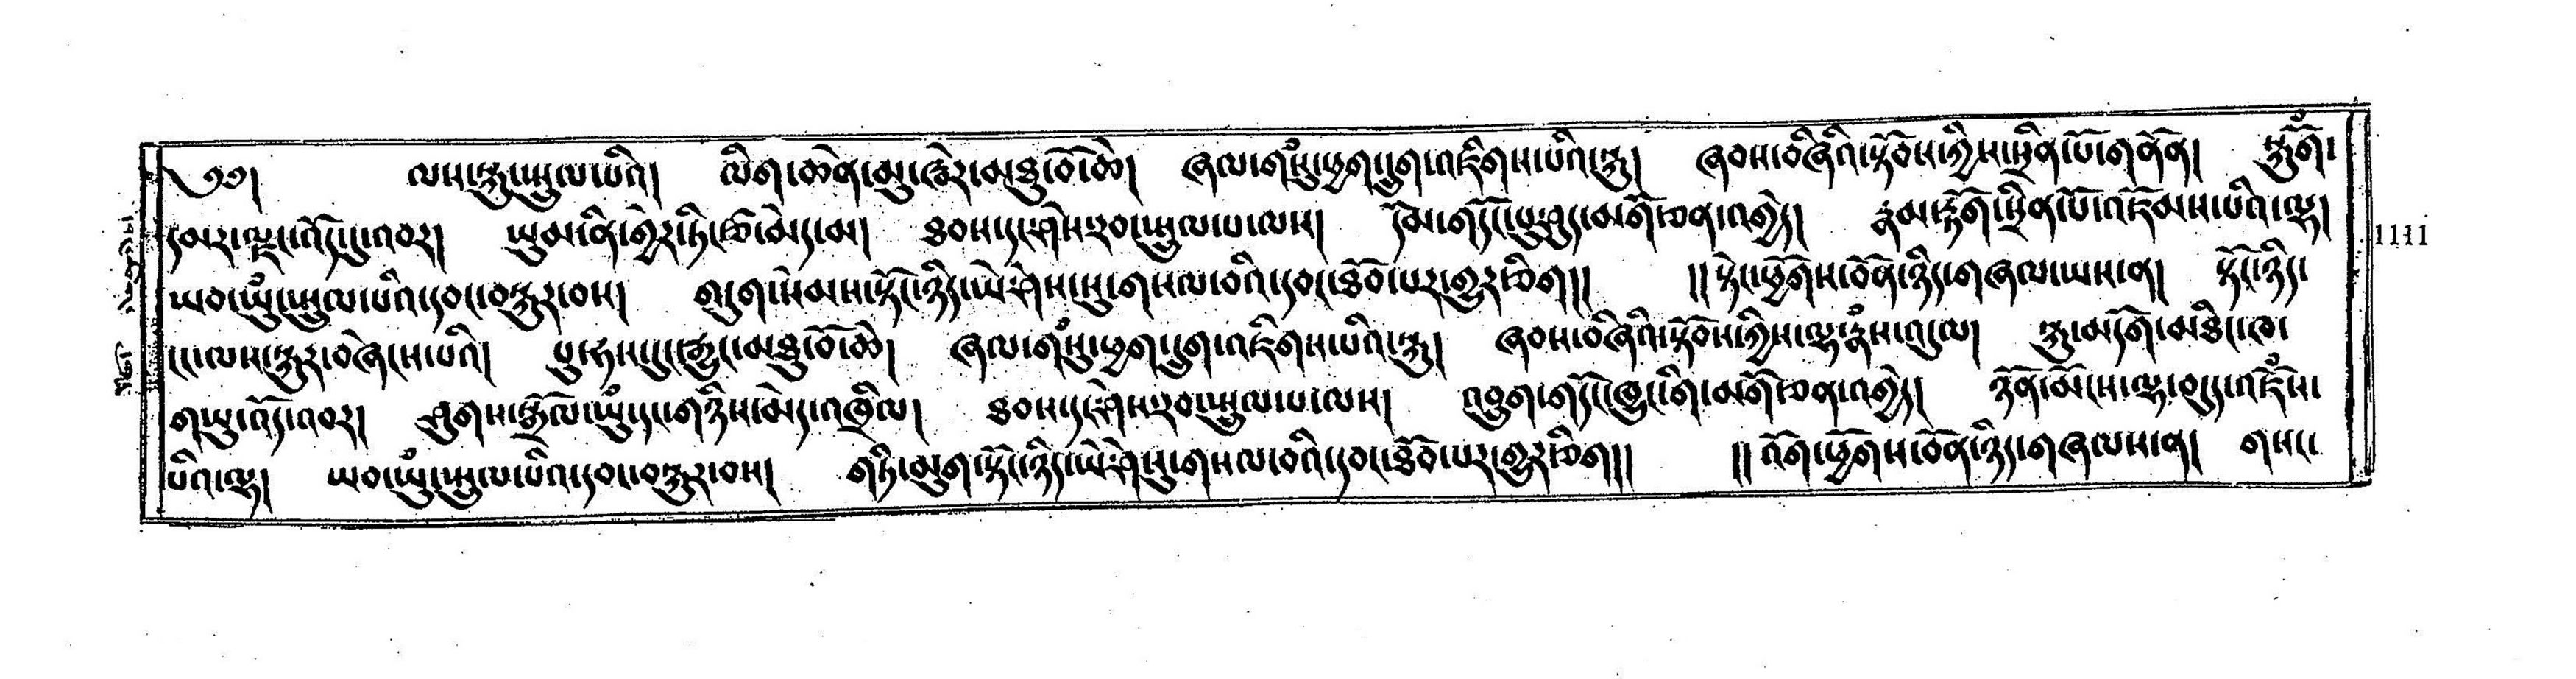ལས་སྐུ་སྤྲུལ་པའི། ལིག་ཆེན་མུ་ཝེར་མཐུ་བོ་ཆེ། ཞལ་གསུམ་ཕྱག་དྲུག་འཇིགས་པའི་སྐུ། ཞབས་བཞིའི་སྟོབས་ཀྱིས་སྲིན་པོ་གནོན། སྐུ་མདོག་
དམར་{1131}ལྗང་འོད་དུ་འབར། ཡུམ་ནི་གྱེར་ཏིང་ཙ་མེད་མ། ཐབས་དང་ཤེས་རབ་སྤྲུལ་པ་ལས། དོམ་གདོང་པུ་ཤུད་མགོ་ཅན་འགྱེད། རྣམ་རྟོག་སྲིན་པོ་འཇོམས་པའི་ལྷ། 
ཡབ་ཡུམ་སྤྲུལ་པའི་དབང་བསྐུར་བས། གདུག་སེམས་སྟོང་ཉིད་ཡེ་ཤེས་སུ་གསལ་བའི་དབང་ཐོབ་པར་གྱུར་ཅིག །།སྟེང་ཕྱོགས་བོན་ཉིད་གཞལ་ཡས་ན། སྟོང་ཉིད་
ངང་ལས་སྐུར་བཞེངས་པའི། པུ་ཧས་དུང་རྒྱུང་མཐུ་བོ་ཆེ། ཞལ་གསུམ་ཕྱག་དྲུག་འཇིགས་པའི་སྐུ། ཞབས་བཞིའི་སྟོབས་ཀྱིས་ལྷ་རྣམས་འདུལ། སྐུ་མདོག་མཐིང་ཁ་
གཡུ་འོད་འབར། ཤུགས་སྒྲོལ་ཡུམ་དང་གཉིས་མེད་འཁྲིལ། ཐབས་དང་ཤེས་རབ་སྤྲུལ་པ་ལས། འབྲུག་གདོང་ཁྱུང་གི་མགོ་ཅན་འགྱེད། ཉོན་མོངས་ལྷ་བདུད་འཇོམས་
པའི་ལྷ། ཡབ་ཡུམ་སྤྲུལ་པའི་དབང་བསྐུར་བས། གཏི་མུག་སྟོང་ཉིད་ཡེ་ཤེས་སུ་གསལ་བའི་དབང་ཐོབ་པར་གྱུར་ཅིག།།འོག་ཕྱོགས་བོན་ཉིད་གཞལ་ཡས་ན། གསང་